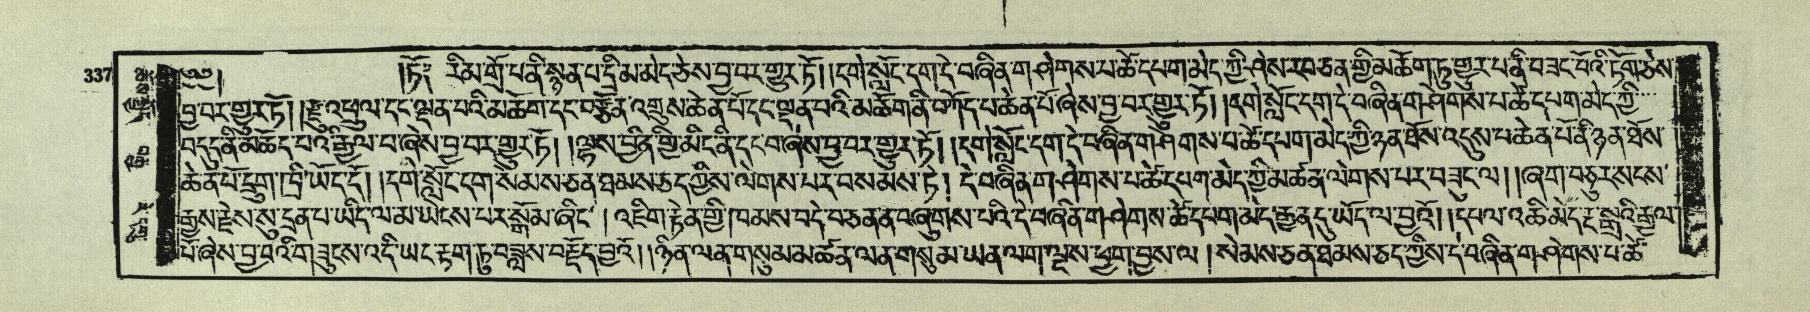༄༅། །ཏོ༑ རིམ་གྲོ་པ་ནི་སྙན་པ་དྲི་མ་མེད་ཅེས་བྱ་བར་གྱུར་ཏོ། །དགེ་སློང་དག་དེ་བཞིན་གཤེགས་པ་ཚེ་དཔག་མེད་ཀྱི་ཤེས་རབ་ཅན་གྱི་མཆོག་ཏུ་གྱུར་པ་ནི་བཟང་པོའི་ཏོག་ཅེས་
བྱ་བར་གྱུར་ཏོ། །རྫུ་འཕྲུལ་དང་ལྡན་པའི་མཆོག་དང་བརྩོན་འགྲུས་ཆེན་པོ་དང་ལྡན་པའི་མཆོག་ནི་བཀོད་པ་ཆེན་པོ་ཞེས་བྱ་བར་གྱུར་ཏོ། །དགེ་སློང་དག་དེ་བཞིན་གཤེགས་པ་ཚེ་དཔག་མེད་ཀྱི་
བདུད་ནི་མཆོད་པའི་རྒྱལ་པ་ཞེས་བྱ་བར་གྱུར་ཏོ། །ལྷས་བྱིན་གྱི་མིང་ནི་དང་བ་ཞེས་བྱ་བར་གྱུར་ཏོ། །དགེ་སློང་དག་དེ་བཞིན་གཤེགས་པ་ཚེ་དཔག་མེད་ཀྱི་ཉན་ཐོས་འདུས་པ་ཆེན་པོ་ནི་ཉན་ཐོས་
ཆེན་པོ་དྲུག་ཁྲི་ཡོད་དོ། །དགེ་སློང་དག་སེམས་ཅན་ཐམས་ཅད་ཀྱིས་ལེགས་པར་བསམས་ཏེ། དེ་བཞིན་གཤེགས་པ་ཚེ་དཔག་མེད་ཀྱི་མཚན་ལེགས་པར་བཟུང་ལ། །ཞག་བཅུར་སངས་
རྒྱས་རྗེས་སུ་དྲན་པ་ཡིད་ལ་མ་ཡེངས་པར་སྒོམ་ཞིང་། འཇིག་རྟེན་གྱི་ཁམས་བདེ་བ་ཅན་ན་བཞུགས་པའི་དེ་བཞིན་གཤེགས་ཚེ་དཔག་མེད་རྒྱན་དུ་ཡོད་ལ་བྱའོ། །དཔལ་འཆི་མེད་རྔ་སྒྲའི་རྒྱལ་
པོ་ཞེས་བྱ་བའི་གཟུངས་འདི་ཡང་རྟག་ཏུ་བཟླས་བརྗོད་བྱའོ། །ཉིན་ལན་གསུམ་མཚན་ལན་གསུམ་ཡན་ལག་ལྔས་ཕྱག་བྱས་ལ། སེམས་ཅན་ཐམས་ཅད་ཀྱིས་དེ་བཞིན་གཤེགས་པ་ཚེ་